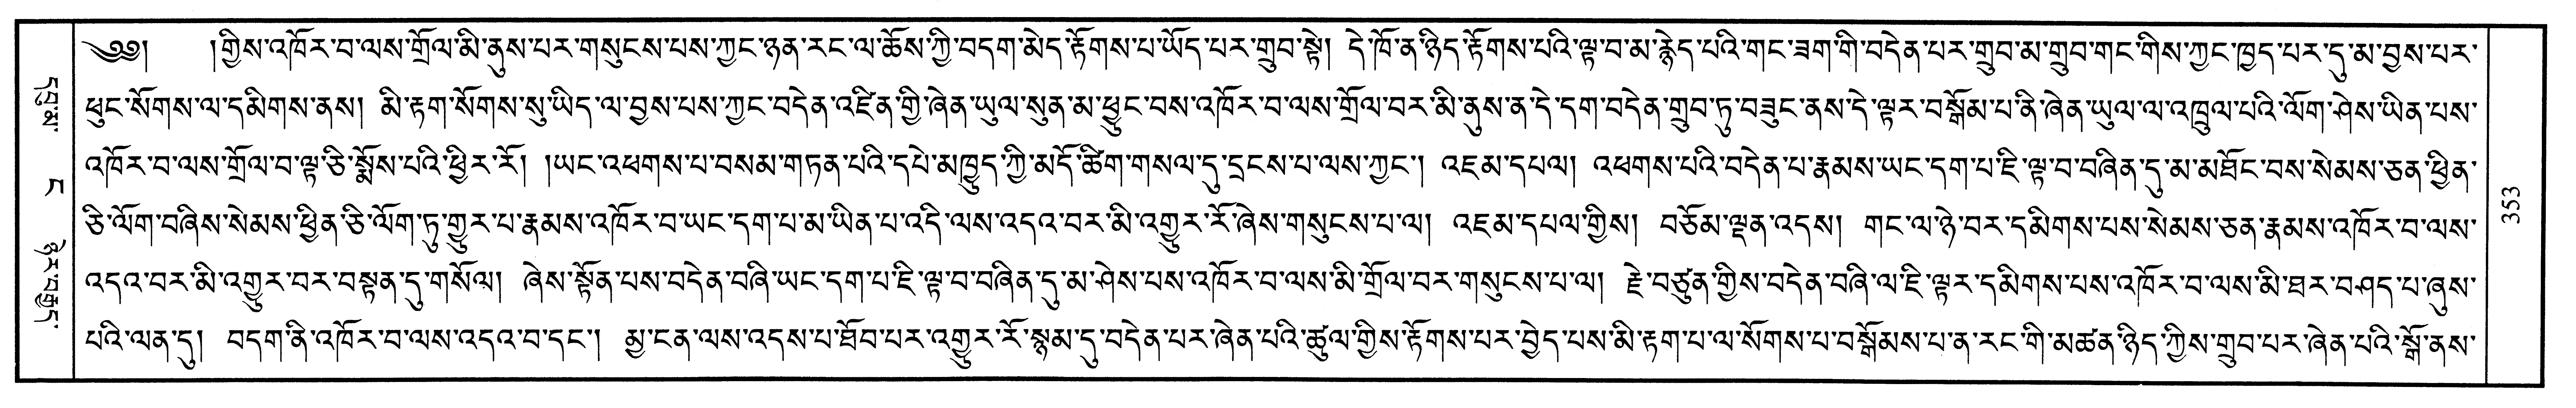༄༅། །གྱིས་འཁོར་བ་ལས་གྲོལ་མི་ནུས་པར་གསུངས་པས་ཀྱང་ཉན་རང་ལ་ཆོས་ཀྱི་བདག་མེད་རྟོགས་པ་ཡོད་པར་གྲུབ་སྟེ། དེ་ཁོ་ན་ཉིད་རྟོགས་པའི་ལྟ་བ་མ་རྙེད་པའི་གང་ཟག་གི་བདེན་པར་གྲུབ་མ་གྲུབ་གང་གིས་ཀྱང་ཁྱད་པར་དུ་མ་བྱས་པར་
ཕུང་སོགས་ལ་དམིགས་ནས། མི་རྟག་སོགས་སུ་ཡིད་ལ་བྱས་པས་ཀྱང་བདེན་འཛིན་གྱི་ཞེན་ཡུལ་སུན་མ་ཕྱུང་བས་འཁོར་བ་ལས་གྲོལ་བར་མི་ནུས་ན་དེ་དག་བདེན་གྲུབ་ཏུ་བཟུང་ནས་དེ་ལྟར་བསྒོམ་པ་ནི་ཞེན་ཡུལ་ལ་འཁྲུལ་པའི་ལོག་ཤེས་ཡིན་པས་
འཁོར་བ་ལས་གྲོལ་བ་ལྟ་ཅི་སྨོས་པའི་ཕྱིར་རོ། །ཡང་འཕགས་པ་བསམ་གཏན་པའི་དཔེ་མཁྱུད་ཀྱི་མདོ་ཚིག་གསལ་དུ་དྲངས་པ་ལས་ཀྱང་། འཇམ་དཔལ། འཕགས་པའི་བདེན་པ་རྣམས་ཡང་དག་པ་ཇི་ལྟ་བ་བཞིན་དུ་མ་མཐོང་བས་སེམས་ཅན་ཕྱིན་
ཅི་ལོག་བཞིས་སེམས་ཕྱིན་ཅི་ལོག་ཏུ་གྱུར་པ་རྣམས་འཁོར་བ་ཡང་དག་པ་མ་ཡིན་པ་འདི་ལས་འདའ་བར་མི་འགྱུར་རོ་ཞེས་གསུངས་པ་ལ། འཇམ་དཔལ་གྱིས། བཅོམ་ལྡན་འདས། གང་ལ་ཉེ་བར་དམིགས་པས་སེམས་ཅན་རྣམས་འཁོར་བ་ལས་
འདའ་བར་མི་འགྱུར་བར་བསྟན་དུ་གསོལ། ཞེས་སྟོན་པས་བདེན་བཞི་ཡང་དག་པ་ཇི་ལྟ་བ་བཞིན་དུ་མ་ཤེས་པས་འཁོར་བ་ལས་མི་གྲོལ་བར་གསུངས་པ་ལ། རྗེ་བཙུན་གྱིས་བདེན་བཞི་ལ་ཇི་ལྟར་དམིགས་པས་འཁོར་བ་ལས་མི་ཐར་བཤད་པ་ཞུས་
པའི་ལན་དུ། བདག་ནི་འཁོར་བ་ལས་འདའ་བ་དང་། མྱ་ངན་ལས་འདས་པ་ཐོབ་པར་འགྱུར་རོ་སྙམ་དུ་བདེན་པར་ཞེན་པའི་ཚུལ་གྱིས་རྟོགས་པར་བྱེད་པས་མི་རྟག་པ་ལ་སོགས་པ་བསྒོམས་པ་ན་རང་གི་མཚན་ཉིད་ཀྱིས་གྲུབ་པར་ཞེན་པའི་སྒོ་ནས་